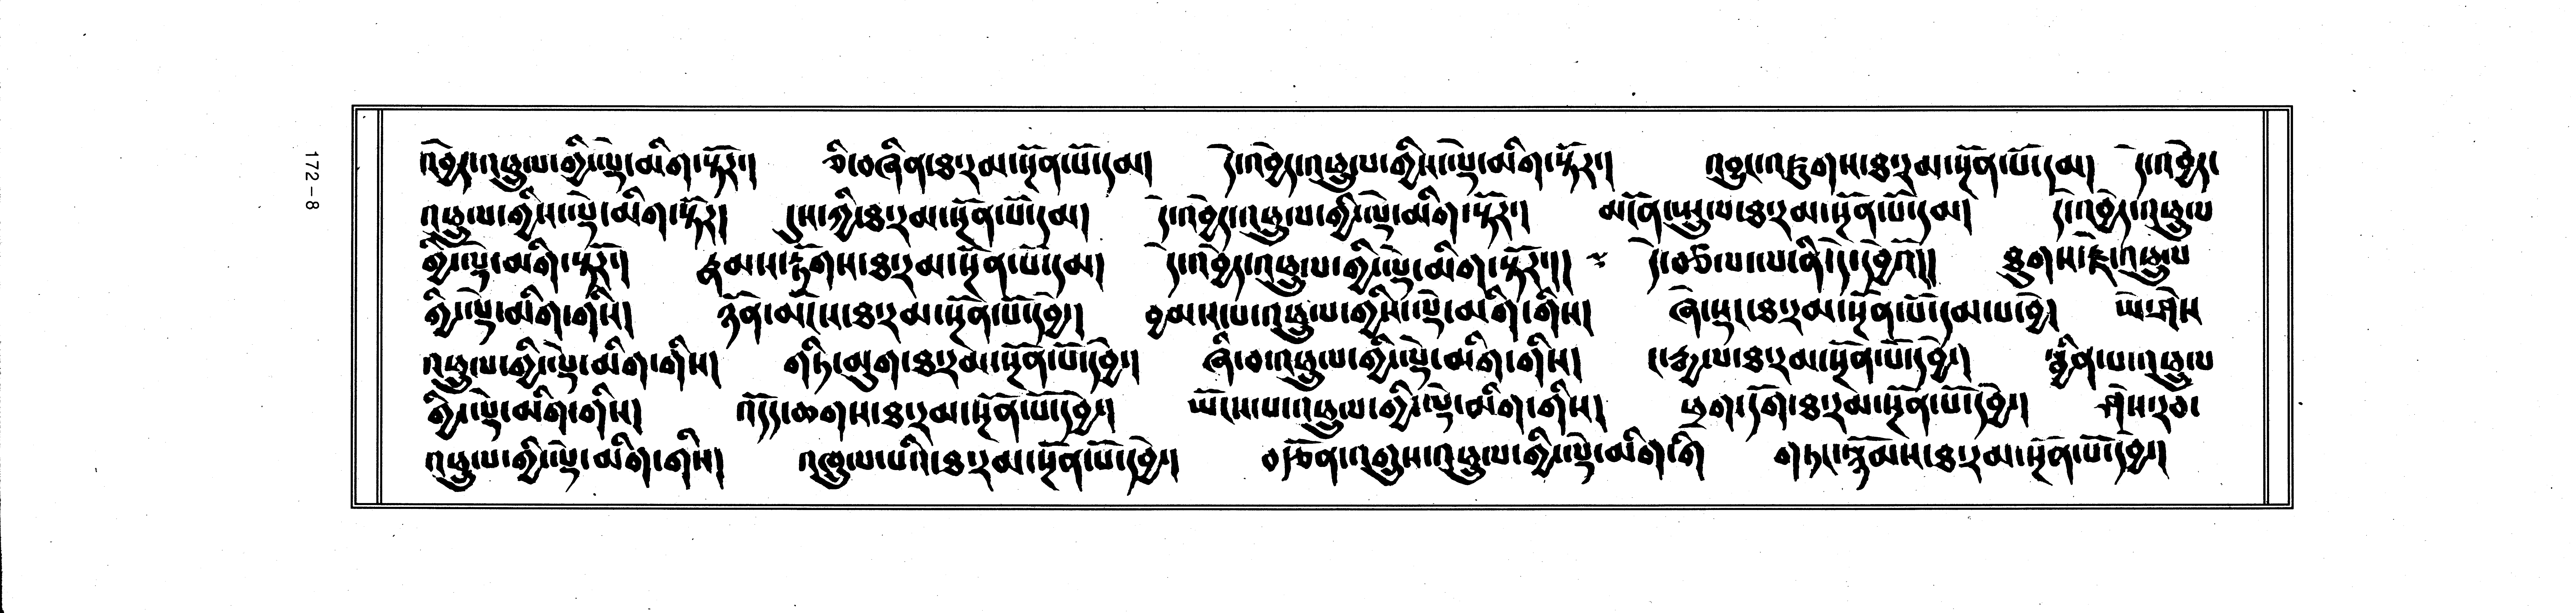འབྱེད་འཕྲུལ་གྱི་ལྡེ་མིག་སྟོར། ཅི་བཞིན་ཐ་རམ་སྔོན་པོ་དམ། དེ་འབྱེད་འཕྲུལ་གྱི་ལྡེ་མིག་སྟོར། འབྱུང་འཇུགས་ཐ་རམ་སྔོན་པོ་དམ། དེ་འབྱེད་
འཕྲུལ་གྱི་ལྡེ་མིག་སྟོར། དུས་ཀྱི་ཐ་རམ་སྔོན་པོ་དམ། དེ་འབྱེད་འཕྲུལ་གྱི་ལྡེ་མིག་སྟོར། མངོན་སྤྲུལ་ཐ་རམ་སྔོན་པོ་དམ། དེ་འབྱེད་འཕྲུལ་
གྱི་ལྡེ་མིག་སྟོར། རྣམ་རྟོག་ཐ་རམ་སྔོན་པོ་དམ། དེ་འབྱེད་འཕྲུལ་གྱི་ལྡེ་མིག་སྟོར། དེ་བརྩལ་ལ་ནི་དེ་དབྱེའོ། ཐུགས་རྗེ་འཕྲུལ་
གྱི་ལྡེ་མིག་གིས། ཉོན་མོངས་ཐ་རམ་སྔོན་པོ་དབྱེ། བྱམས་པ་འཕྲུལ་གྱིས་ལྡེ་མིག་གིས། ཞེ་སྡང་ཐ་རམ་སྔོན་པོ་དབྱེ། ཡེ་ཤེས་
འཕྲུལ་གྱི་ལྡེ་མིག་གིས། གཏི་མུག་ཐ་རམ་སྔོན་པོ་དབྱེ། ཞི་བ་འཕྲུལ་གྱི་ལྡེ་མིག་གིས། ང་རྒྱལ་ཐ་རམ་སྔོན་པོ་དབྱེ། སྦྱིན་པ་འཕྲུལ་
གྱི་ལྡེ་མིག་གིས། འདོད་ཆགས་ཐ་རམ་སྔོན་པོ་དབྱེ། ཡངས་པ་འཕྲུལ་གྱི་ལྡེ་མིག་གིས། ཕྲག་དོག་ཐ་རམ་སྔོན་པོ་དབྱེ། ཤེས་རབ་
འཕྲུལ་གྱི་ལྡེ་མིག་གིས། འཁྲུལ་པའི་ཐ་རམ་སྔོན་པོ་དབྱེ། བརྩོན་འགྲུས་འཕྲུལ་གྱི་ལྡེ་མིག་གིས། བཏང་སྙོམས་ཐ་རམ་སྔོན་པོ་དབྱེ།